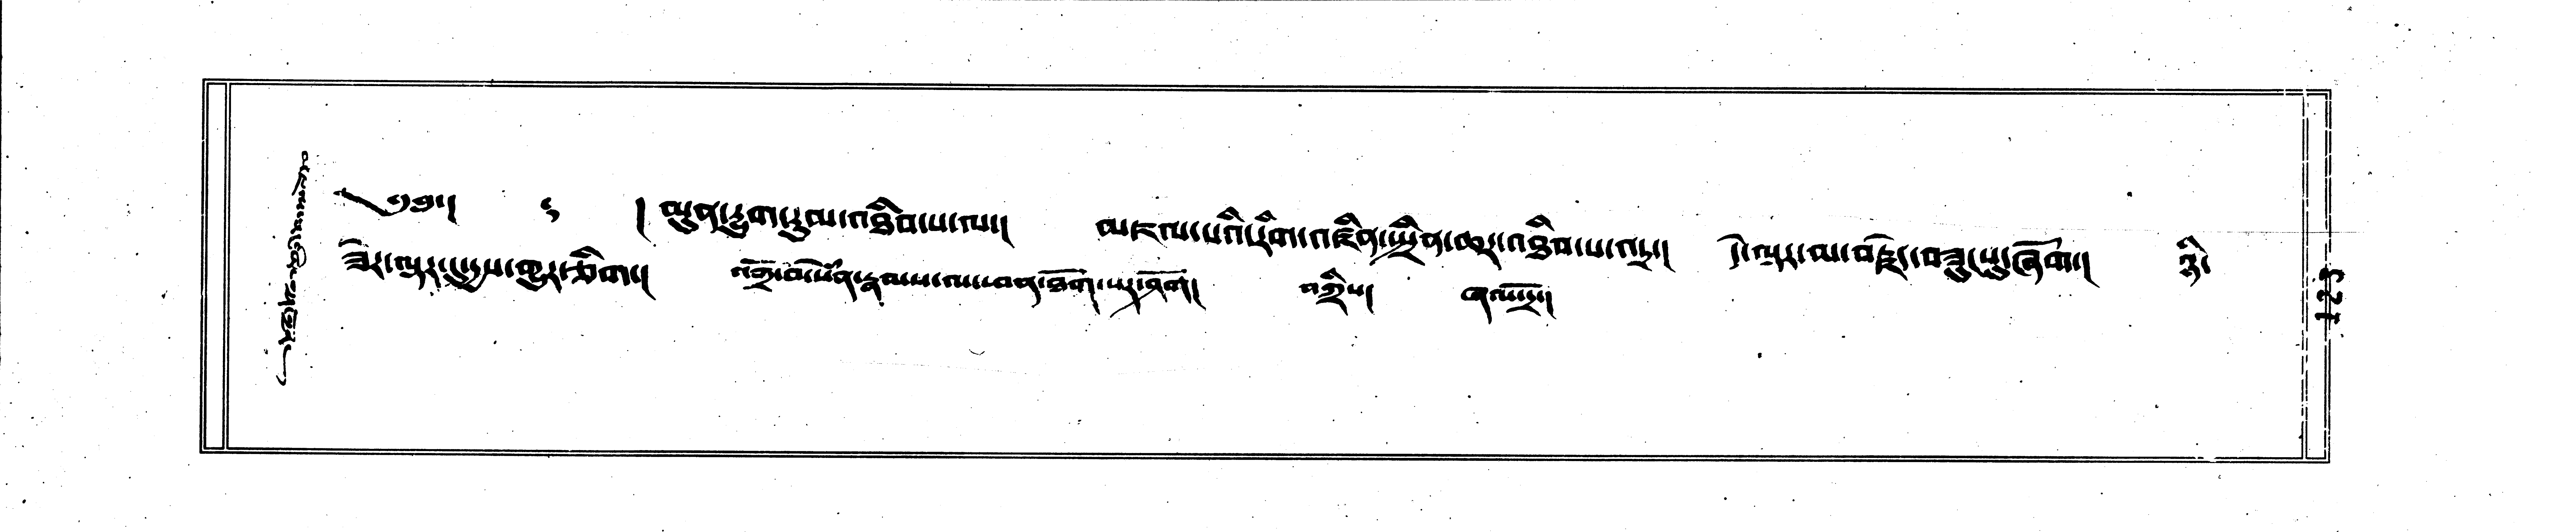མུན་རྒྱུག་རུམ་འཐིབ་པ་ལ། མཇལ་པའི་རིག་ འཛིན་སྤྲིན་ཆར་འཐིབས་པ་འདྲ། དེ་ལྟར་མ་བརྗེད་བཟུངས་སུ་ཞོག ཉི་
ཟེར་ལྟར་དུ་རྒྱས་གྱུར་ཅིག འགྲོ་བ་སེམས་ཅན་རྣམས་ལ་ཕན་ཐོག་པར་ཤོག བཀྲིས་ཞལ་དྲོ།